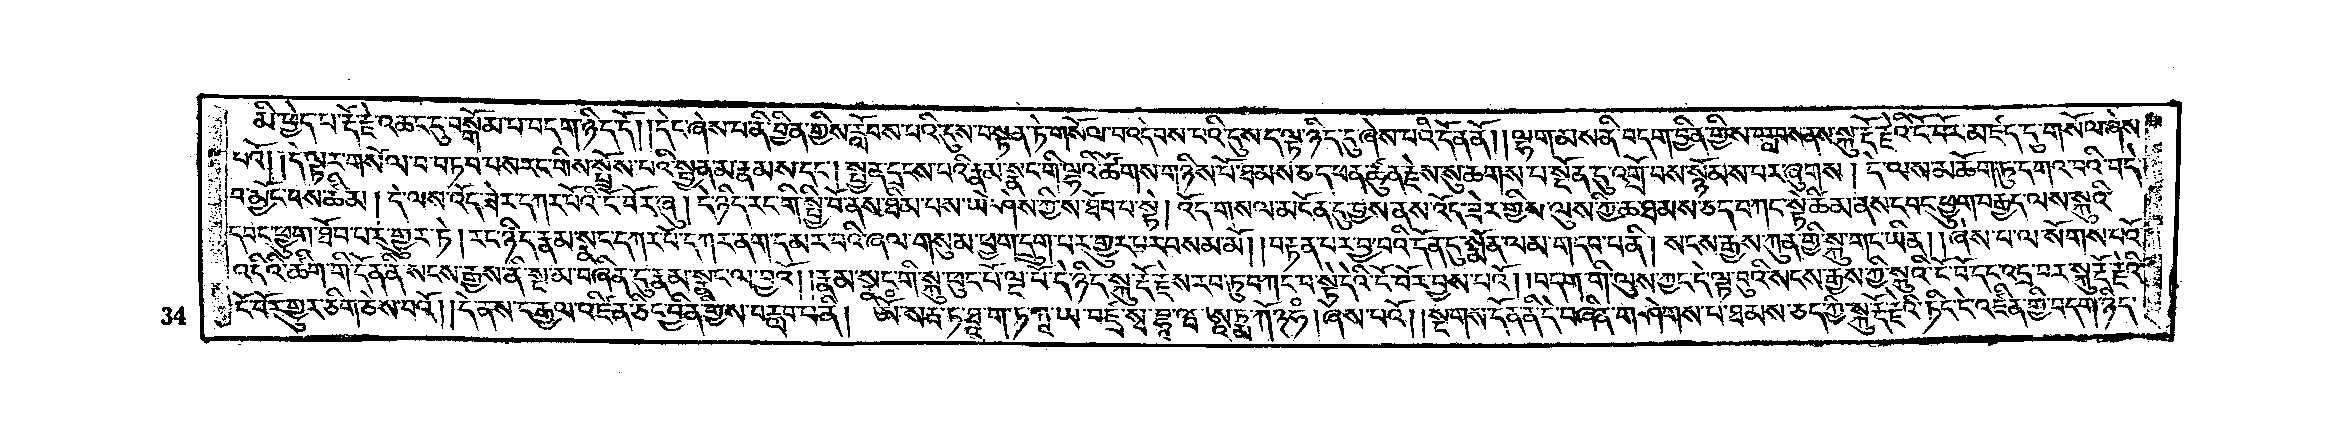མི་ཕྱེད་པ་རྡོ་རྗེ་འཆང་དུ་བསྒོམ་པ་བདག་ཉིད་དོ། །དེང་ཞེས་པ་ནི་བྱིན་གྱིས་རློབས་པའི་དུས་བསྟན་ཏེ་གསོལ་བ་འདེབས་པའི་དུས་ད་ལྟ་ཉིད་དུ་ཞེས་པའི་དོན་ནོ། །ལྷག་མས་ནི་བདག་བྱིན་གྱིས་བརླབས་ནས་སྐུ་རྡོ་རྗེའི་ངོ་བོར་མཛད་དུ་གསོལ་ཞེས་
པའོ། །དེ་ལྟར་གསོལ་བ་བཏབ་པས་རང་གིས་སྤྲོས་པའི་སྤྱན་མ་རྣམས་དང་། སྤྱན་དྲངས་པའི་རྣམ་སྣང་གི་ལྷའི་ཚོགས་གཉིས་པོ་ཐམས་ཅད་ཕན་ཚུན་རྗེས་སུ་ཆགས་པ་སྔོན་དུ་འགྲོ་བས་སྙོམས་པར་ཞུགས། དེ་ལས་མཆོག་ཏུ་དགའ་བའི་བདེ་
བ་མྱོང་བས་ཚིམ། དེ་ལས་འོད་ཟེར་དཀར་པོའི་ངོ་བོར་ཞུ། དེ་ཉིད་རང་གི་སྤྱི་བོ་ནས་ཐིམ་པས་ཡེ་ཤེས་ཀྱི་ས་ཐོབ་པ་སྟེ། འོད་གསལ་མངོན་དུ་བྱས་ནས་འོད་ཟེར་གྱིས་ལུས་ཀྱི་ཆ་ཐམས་ཅད་བཀང་སྟེ་ཚིམ་ནས་དབང་ཕྱུག་བརྒྱད་ལས་སྐུའི་
དབང་ཕྱུག་ཐོབ་པར་གྱུར་ཏེ། རང་ཉིད་རྣམ་སྣང་དཀར་པོ་དཀར་ནག་དམར་བའི་ཞལ་གསུམ་ཕྱག་དྲུག་པར་གྱུར་པར་བསམ་མོ། །བརྟན་པར་བྱ་བའི་དོན་དུ་སྨོན་ལམ་གདབ་པ་ནི། སངས་རྒྱས་ཀུན་གྱི་སྐུ་གང་ཡིན། །ཞེས་པ་ལ་སོགས་པའོ། །
འདིའི་ཚིག་གི་དོན་ནི་སངས་རྒྱས་ནི་སྔ་མ་བཞིན་དུ་རྣམ་སྣང་ལ་བྱའོ། །རྣམ་སྣང་གི་སྐུ་ཕུང་པོ་ལྔ་པོ་དེ་ཉིད་སྐུ་རྡོ་རྗེས་རབ་ཏུ་བཀང་བ་སྟེ་དེའི་ངོ་བོར་བྱས་པའོ། །བདག་གི་ལུས་ཀྱང་དེ་ལྟ་བུའི་སངས་རྒྱས་ཀྱི་སྐུའི་ངོ་བོ་དང་འདྲ་བར་སྐུ་རྡོ་རྗེའི་
ངོ་བོར་གྱུར་ཅིག་ཅེས་པའོ། །དེ་ནས་ང་རྒྱལ་འཛིན་ཅིང་བྱིན་གྱིས་བརླབ་པ་ནི། ཨོཾ་སརྦ་ཏ་ཐཱ་ག་ཏ་ཀཱ་ཡ་བཛྲ་སྭ་བྷཱ་ཝ་ཨཱཏྨ་ཀོཉྷཾ། ཞེས་པའོ། །སྔགས་དོན་ནི་དེ་བཞིན་གཤེགས་པ་ཐམས་ཅད་ཀྱི་སྐུ་རྡོ་རྗེའི་ཏིང་ངེ་འཛིན་གྱི་བདག་ཉིད་